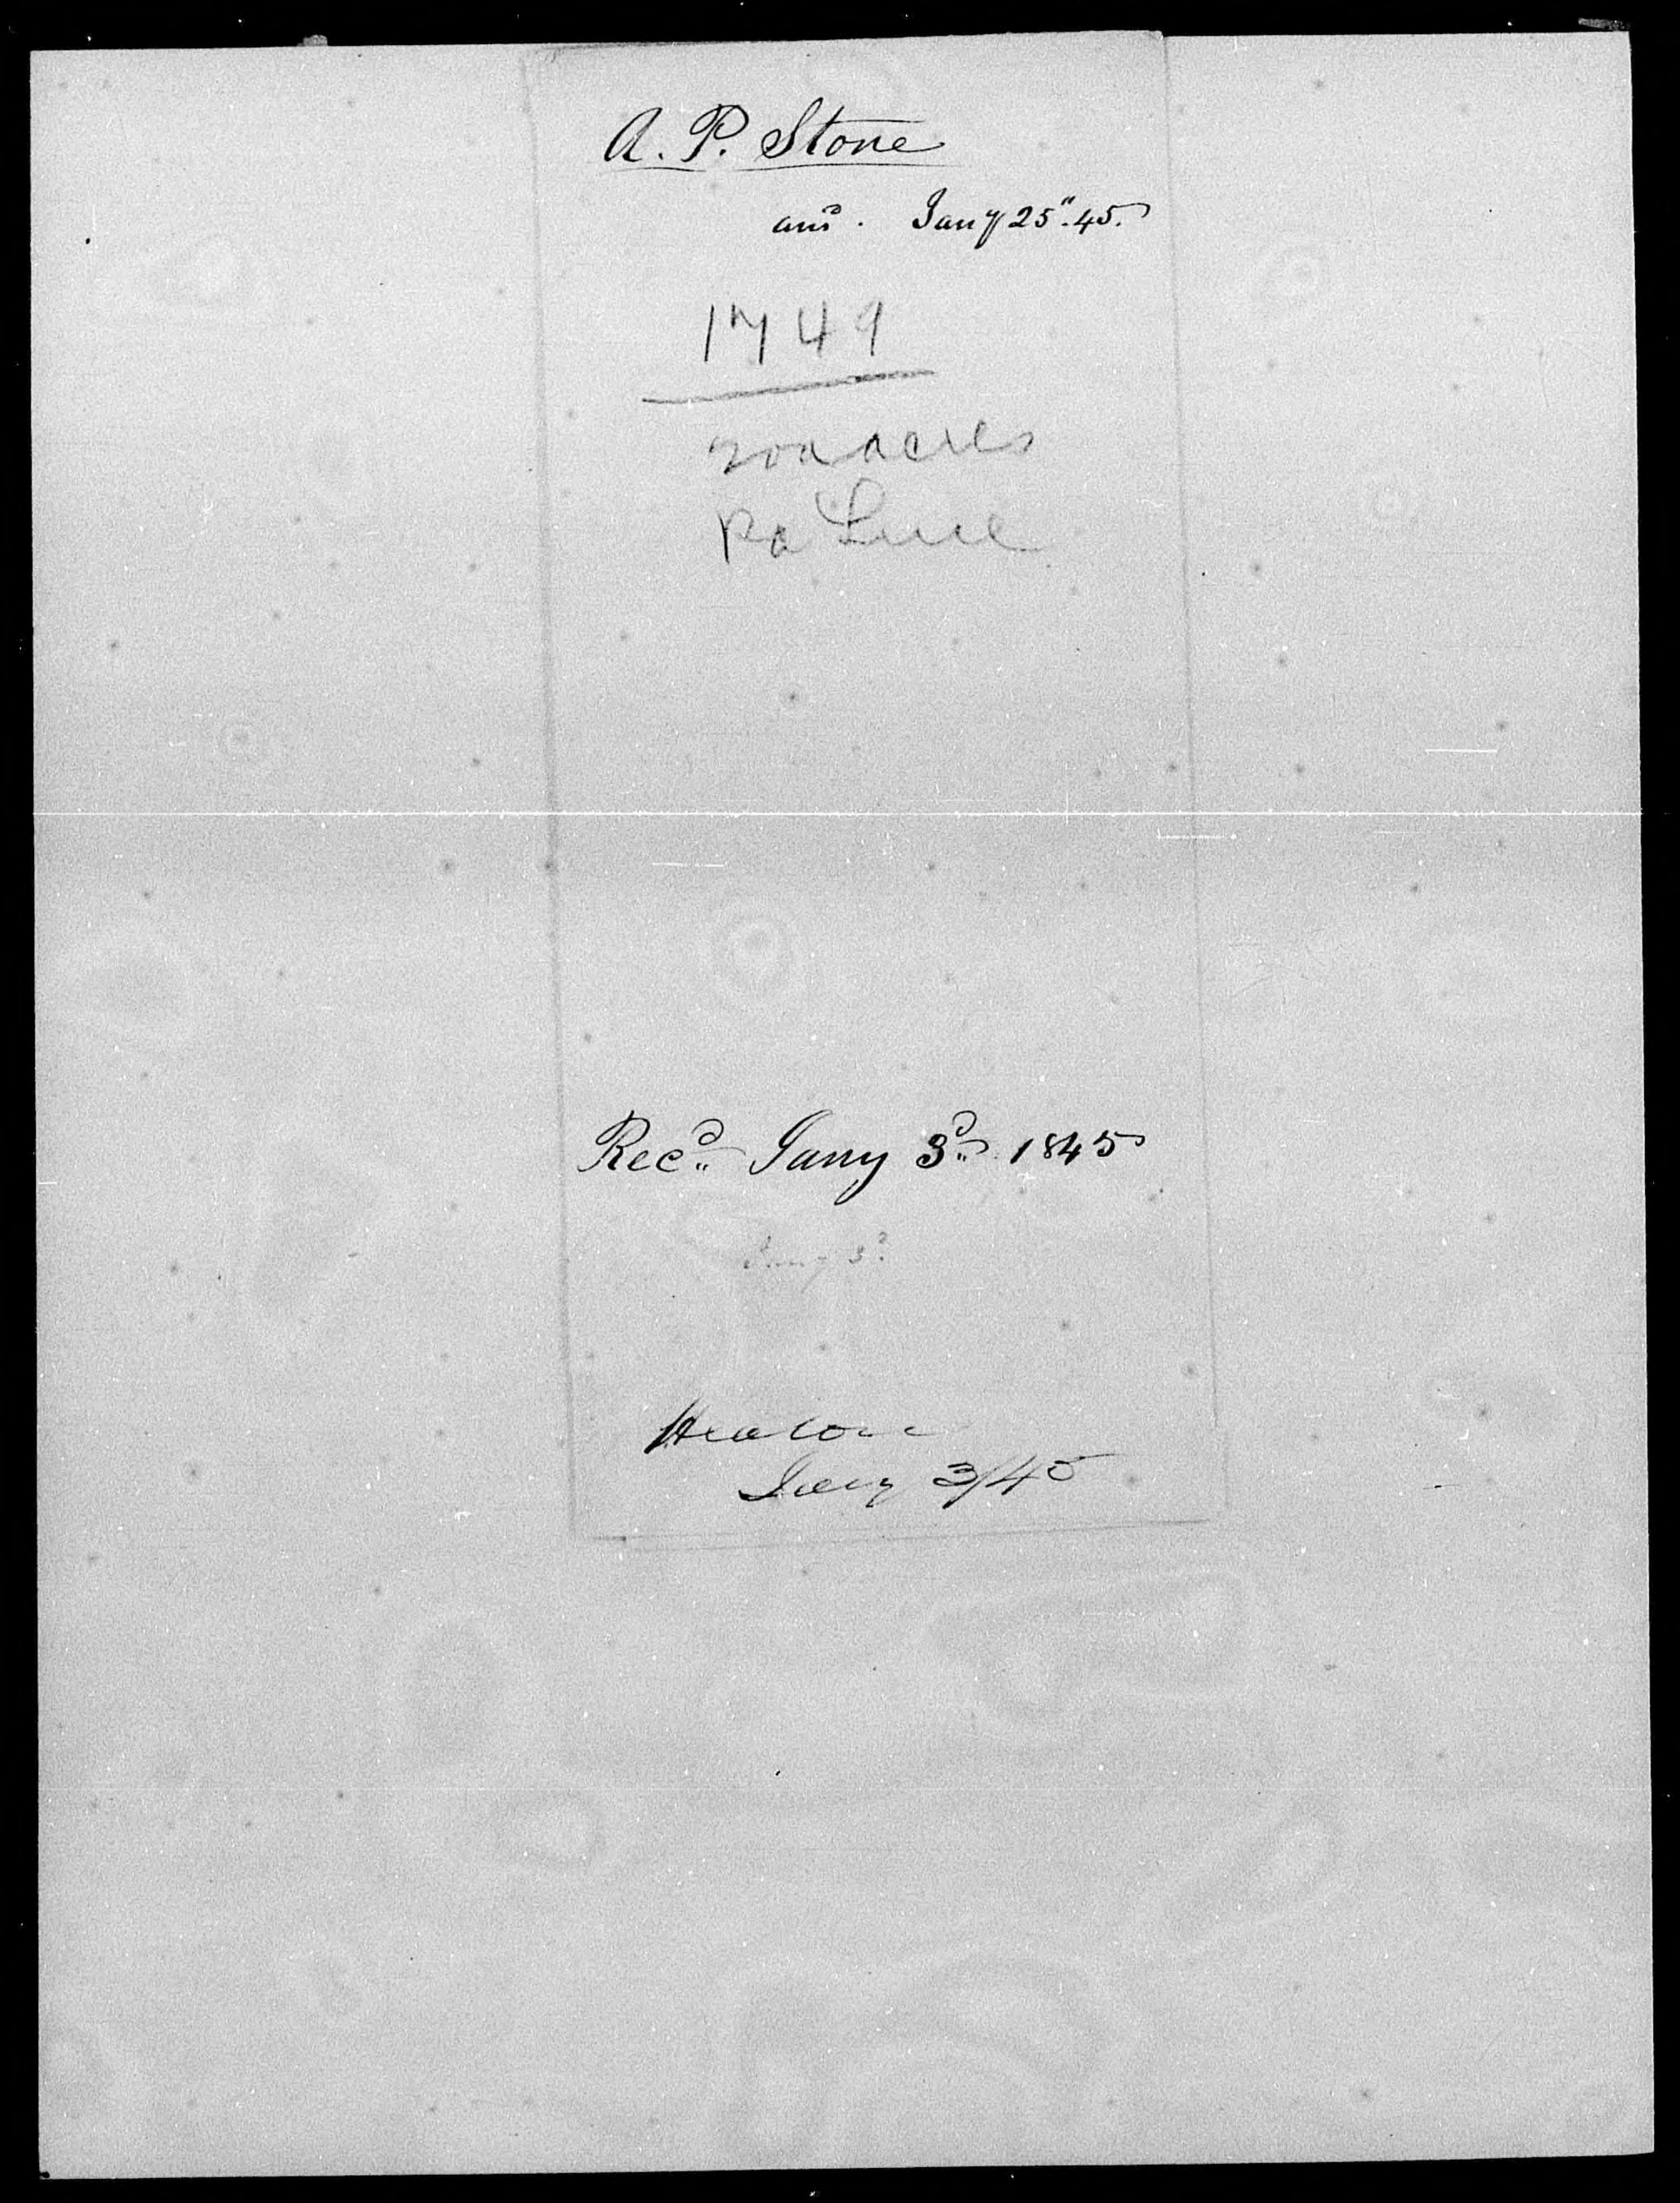A. P. Stone
amd. Jany 25". 45.
1749
200 acres
Pa Line

Recd. Jany 3d. 1845

[illegible]
Jany 3/45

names: A P Stone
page: 3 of 47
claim: survivor's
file: S. 30578, for John Mc Dowell, Virginia